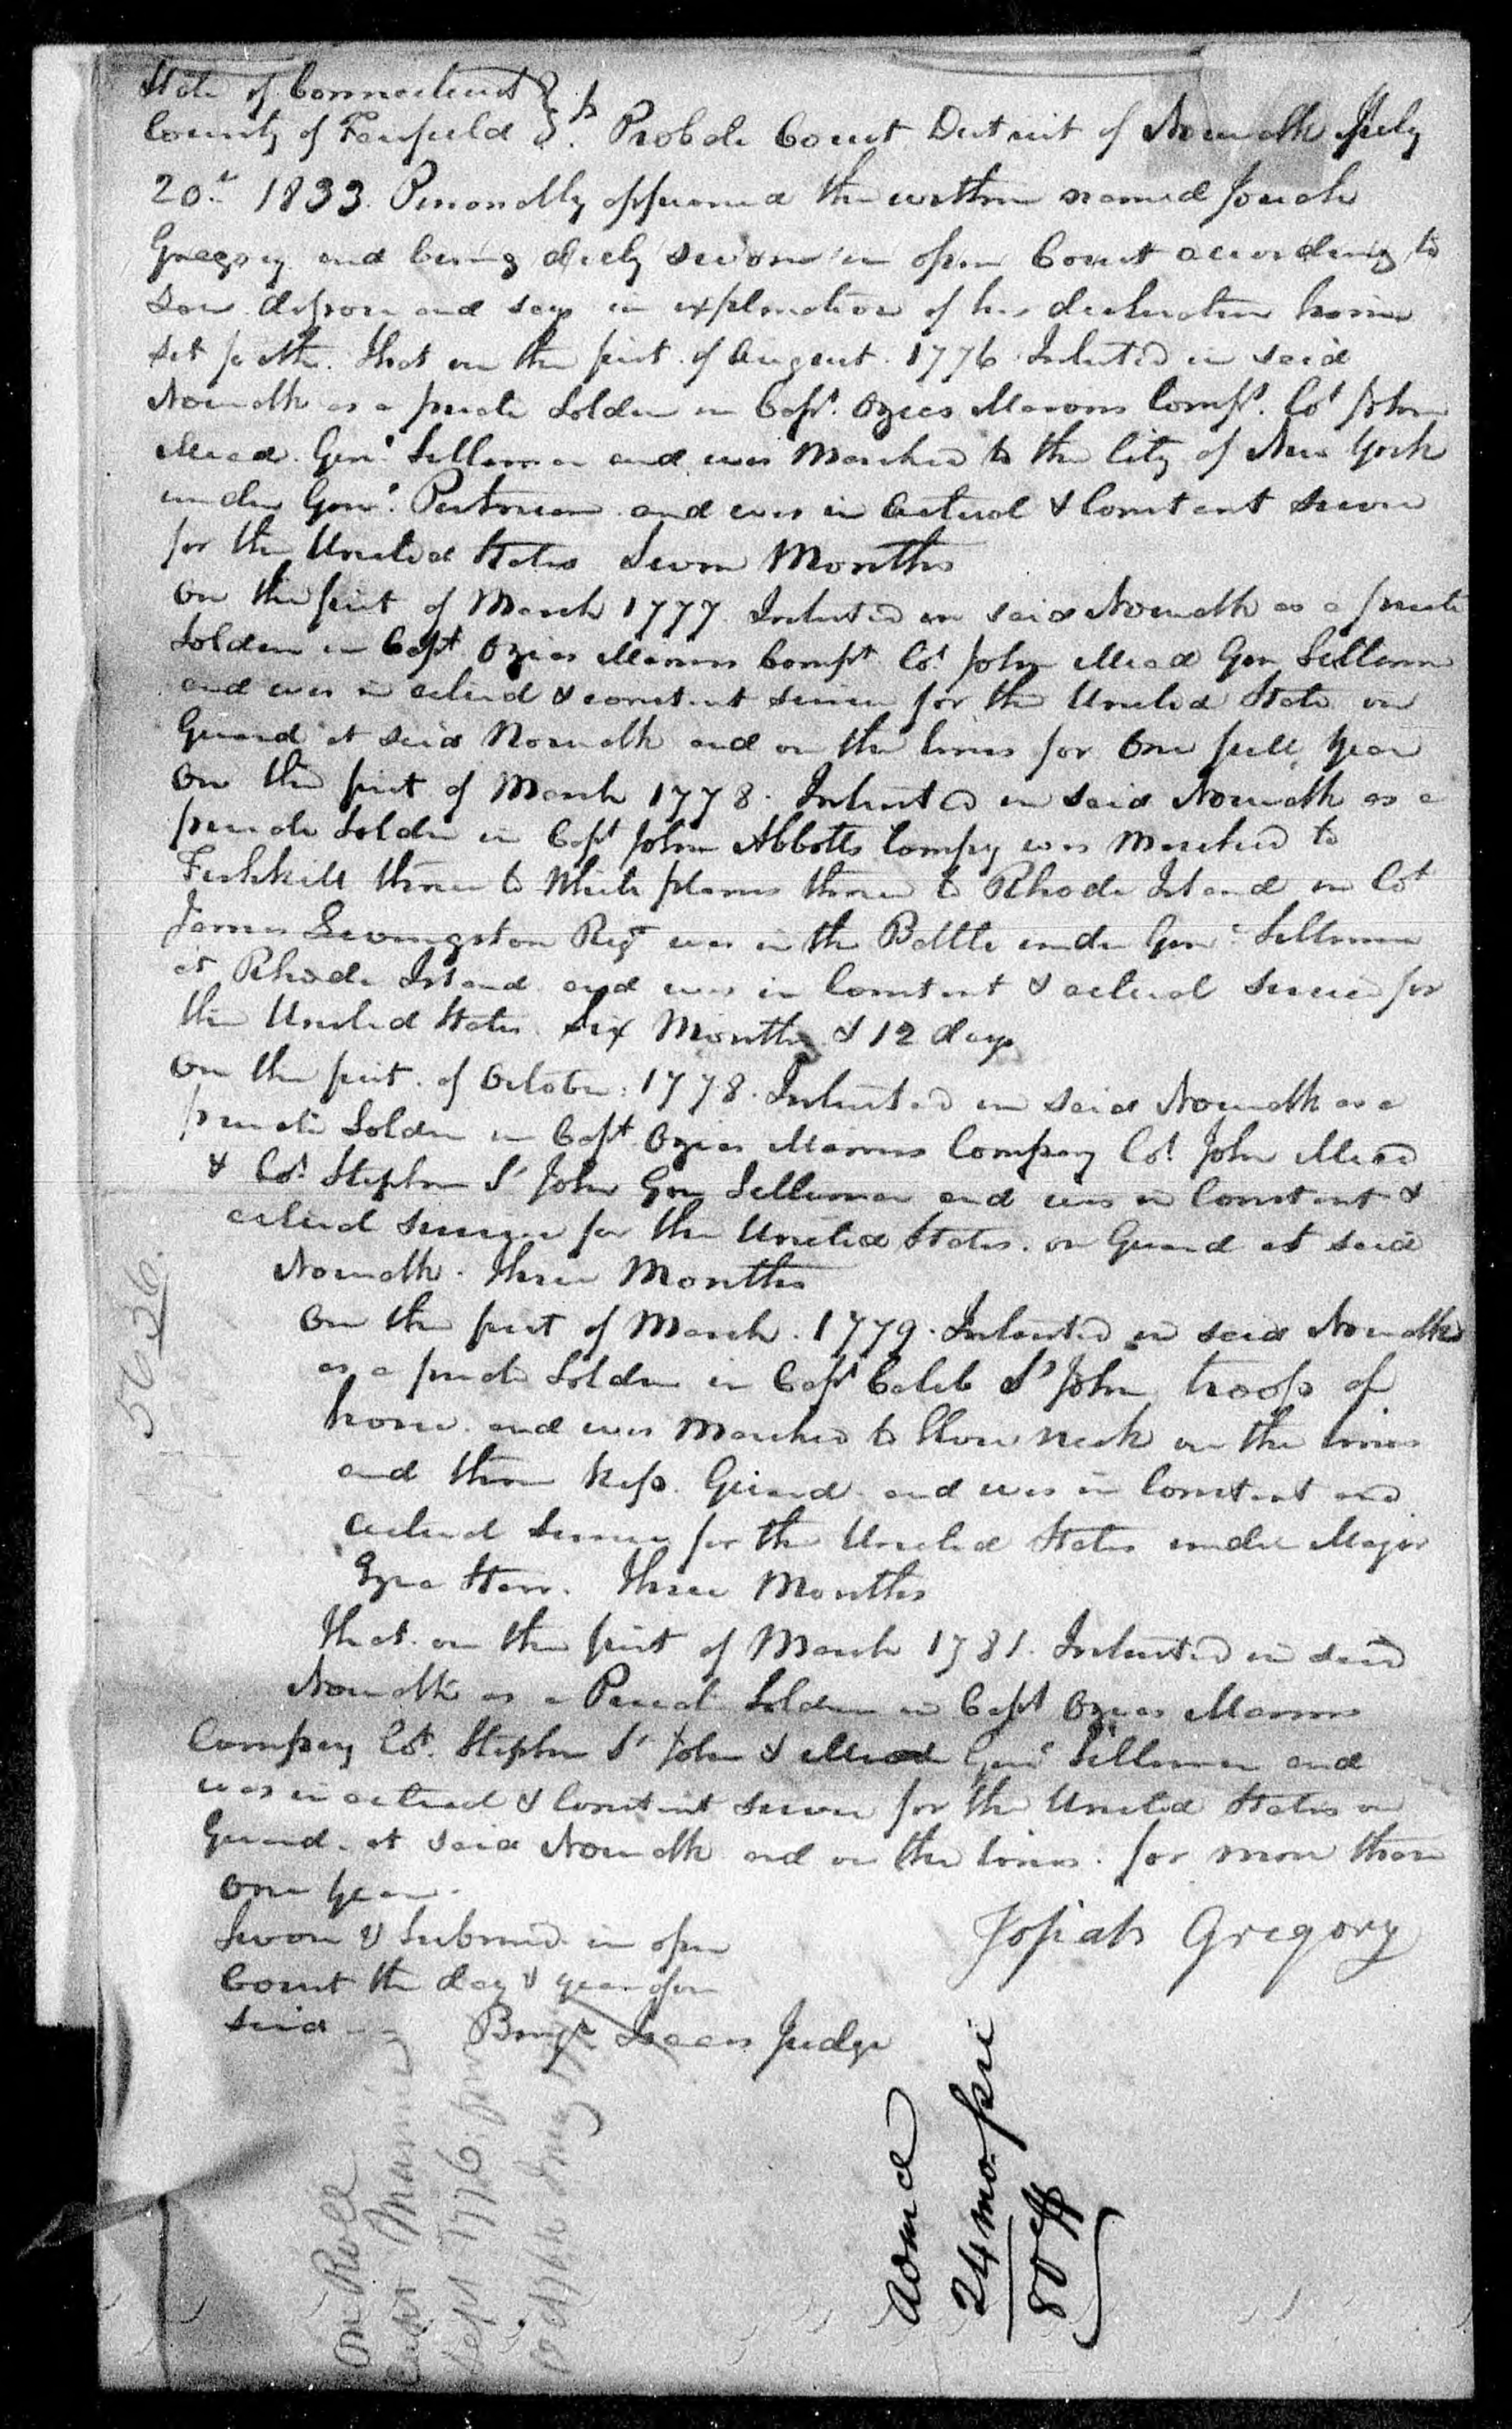State of Connecticut
Fairfield County} Js   Probate Court District of Norwalk July 20th 1833.  Personally appeared the within named Josiah Gregory and being duly sworn in open Court according to Law deposes and says in explanation of his declaration herein set forth. That in the first of August, 1776. Inlisted in said Norwalk as a private Solder [sic] in Capt. Ozies Masons Compy. Col John Mead Genl. Solomons and was Marched to the City of New York under Genl. Putnam and was in Actual & Constent [sic] service for the United States Seven Months

On the first of March, 1777. Inlisted in said Norwalk as a private Solder in Capt. Ozies Masons Compy Col. John Mead Gen Silliman and was in [illegible word] & constent service for the United States on guard at said Norwalk and on the lines for One full Year.
On the first of March, 1778. Inlisted in said Norwalk as a private Soldier in Capt John Abbots Compy was Marched to Fishkill thence to White plains thence to Rhode Island in Col. James Livingston Regt was in the Battle under Gen Siliman at Rhode Island and was in constent & actual service for the United States Six Months & 12 days
On the first of October, 1778.  Inlisted in said  Norwalk as a private Solder in Capt Ozies Mason Compny Col John Mead & Col Stephen St John Gen Silliman and was in Constent & [illegible word] service for the United States on Guard at said Norwalk three months
On the first of March, 1779. Inlisted in said Norwalk as a private Solder in Capt Caleb St John troops of honor and was Marched to  Horse Neck on the [illegible] and then kept Guard and was in Constent and actual service for the United State under Major Ezra Starr  three months
That on the first of March, 1781. Inlisted in said Norwalk as a Private Solder in Capt. Ozies Masons Company Col. Stephen St. John & [illegible word] Gen Silliman and was in actual & Constent service for the United States on Guard in said Norwalk and on the lines for more than one year
        [Signed]  Josiah Gregory
  Sworn & Subscribed in open
Court the day & year afore
said
  [Signed] Benjn Isaacs Judge


[Written vertically below the last paragraph]

On Roll Capt Masons
Sept 1776 for
Oct 6th Jany 1777

Admd
24 mo pri
 80 $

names: Sillaman, Sillaman, Ezra Starr, Benjn Isaacs, Stephen St John, Josiah Gregory, Stephen St John, Caleb St John, Stephen Mead, Sillaman, John Mead, John Mead, John Mead, Josiah Gregory, Sillaman, Sillaman, Putnam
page: 6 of 49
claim: widow's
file: W 24308, Josiah Gregory, Conn.